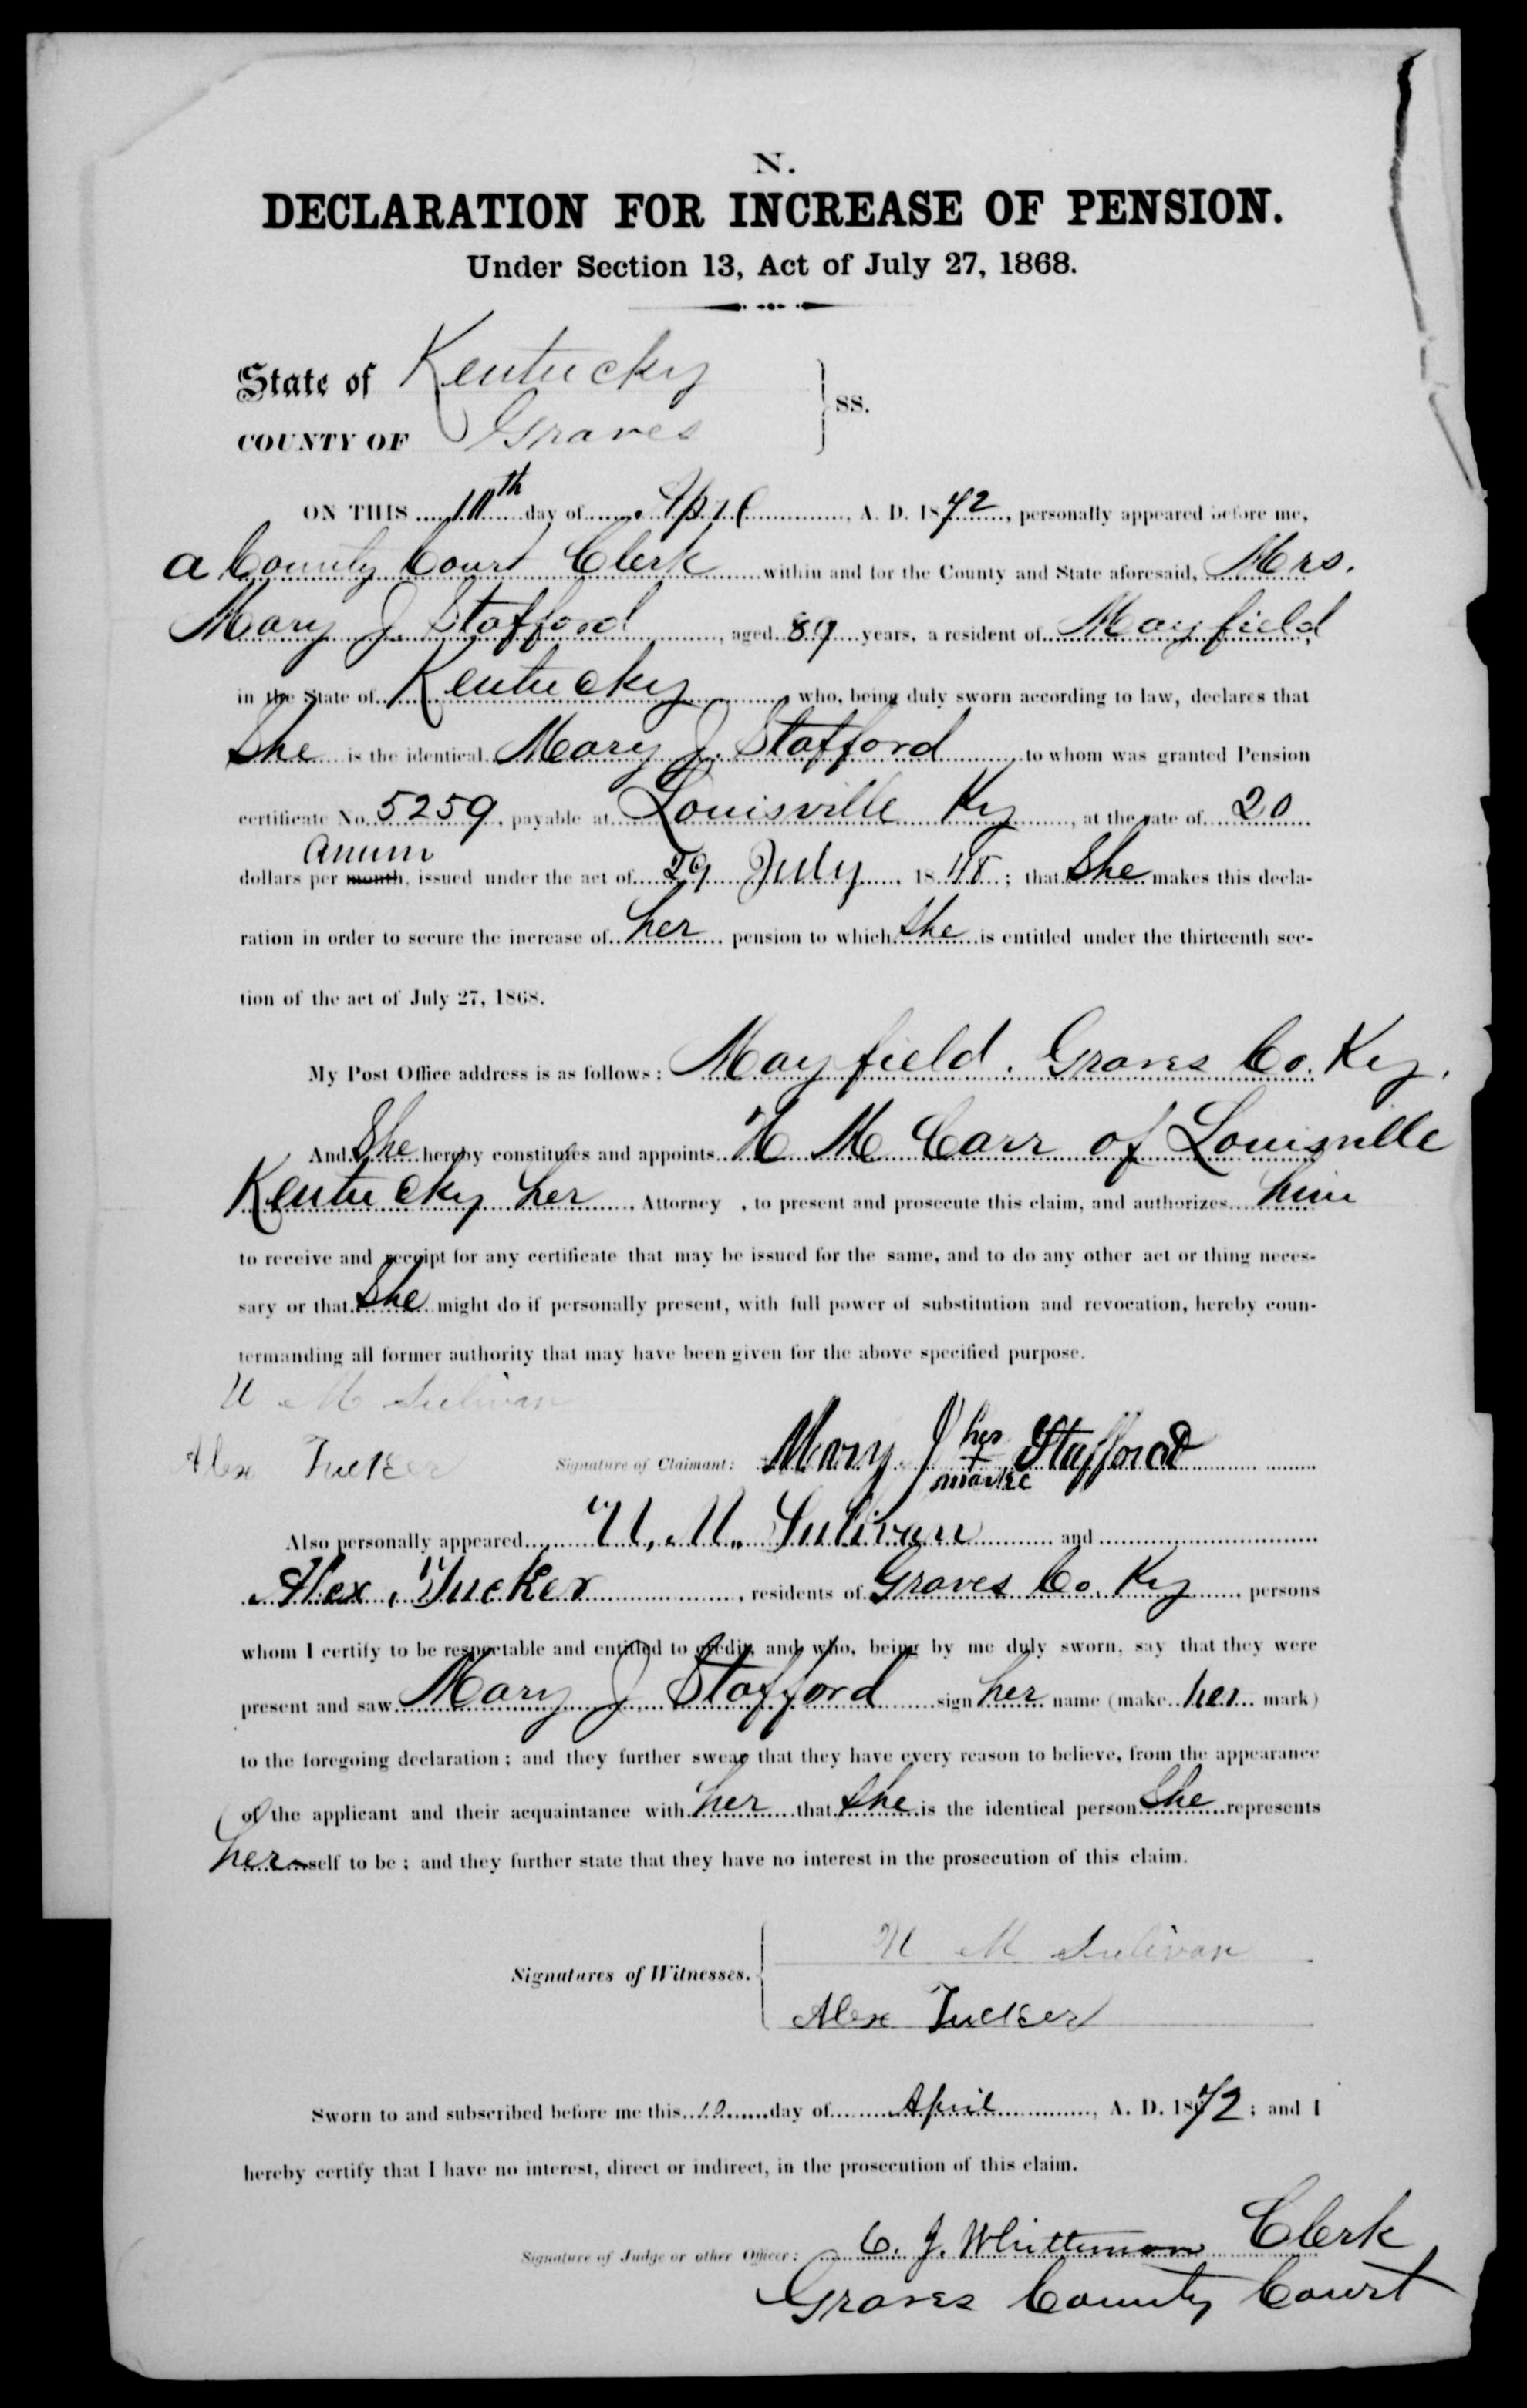N.
DECLARATION FOR INCREASE OFPENSION.
Under Section 13, Act of July 27, 1886

State of Kentucky	}
COUNTY OF Graves 	} SS.

ON THIS TENTH DAY OF 	April, A. D. 1842, personally appeared before me, a County Court Clerk within and for the County and State aforesaid, Mrs. Mary J. Stafford, aged 89 years, a resident of Mayfield, in the State of Kentucky, who, being duly sworn according to law, declares that She is the identical Mary J. Stafford to whom was granted Pension certificate No 5259, payable at Louisville Ky, at the rate of 20 dollars per month, annum issued under the act of 29 July , 1848; that She makes this declaration in order to secure the increase of her pension to which She is entitled under the thirteenth section of the act of July 27, 1868.
	My Post Office address is as follows: Mayfield, Graves Co. KY.
	And She hereby constitutes and appoints H. M. Carr of Louisville Kentucky her Attorney, to present and prosecute this claim, and authorizes him to receive and receipt for any certificate that may be issued for the same, and to do any other act or thing necessary or that She might do if personally present, with full power of substitution and revocation, hereby countermanding all former authority that may have been given for the above specified purpose.
U. N Sulivan
Alex Tucker		Signature of Claimant
Mary J her + mark Stafford

Also personally appeared  U. M. Sulivan and Alex Tucker, residents of Graves Co. KY, persons whom I certify to be respectable and entitled to credit and who, being by me duly sworn, say that they were present and saw Mary J. Stafford sign her name {make her mark} to the foregoing declaration: and they further swear that they have every reason to believe, from the appearance of the applicant and their acquaintance with her that she is the identical person She represents herself to be; and they further state that they have no interest in the prosecution of this claim. 
Signatures of Witnesses. { U. M. Sulivan
						{ Alex Tucker

Sworn to and subscribed before me this 10 day of April, A. D. 18672: and I hereby certify that I have no interest, direct or indirect, in the prosecution of this claim.

Signature of Judge or other Officer:
C. J. Whitterman Clerk
Graves County Clerk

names: Mary J Stafford; Alex Tucker; Alex Tucker; U M Sulivan; Alex Tucker; U M Sulivan; Mary J Stafford; C J Whitlemore; Mary J Stafford; Mary J Stafford; U M Sulivan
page: 31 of 61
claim: widow's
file: W. 11554, for John Stafford, Maryland